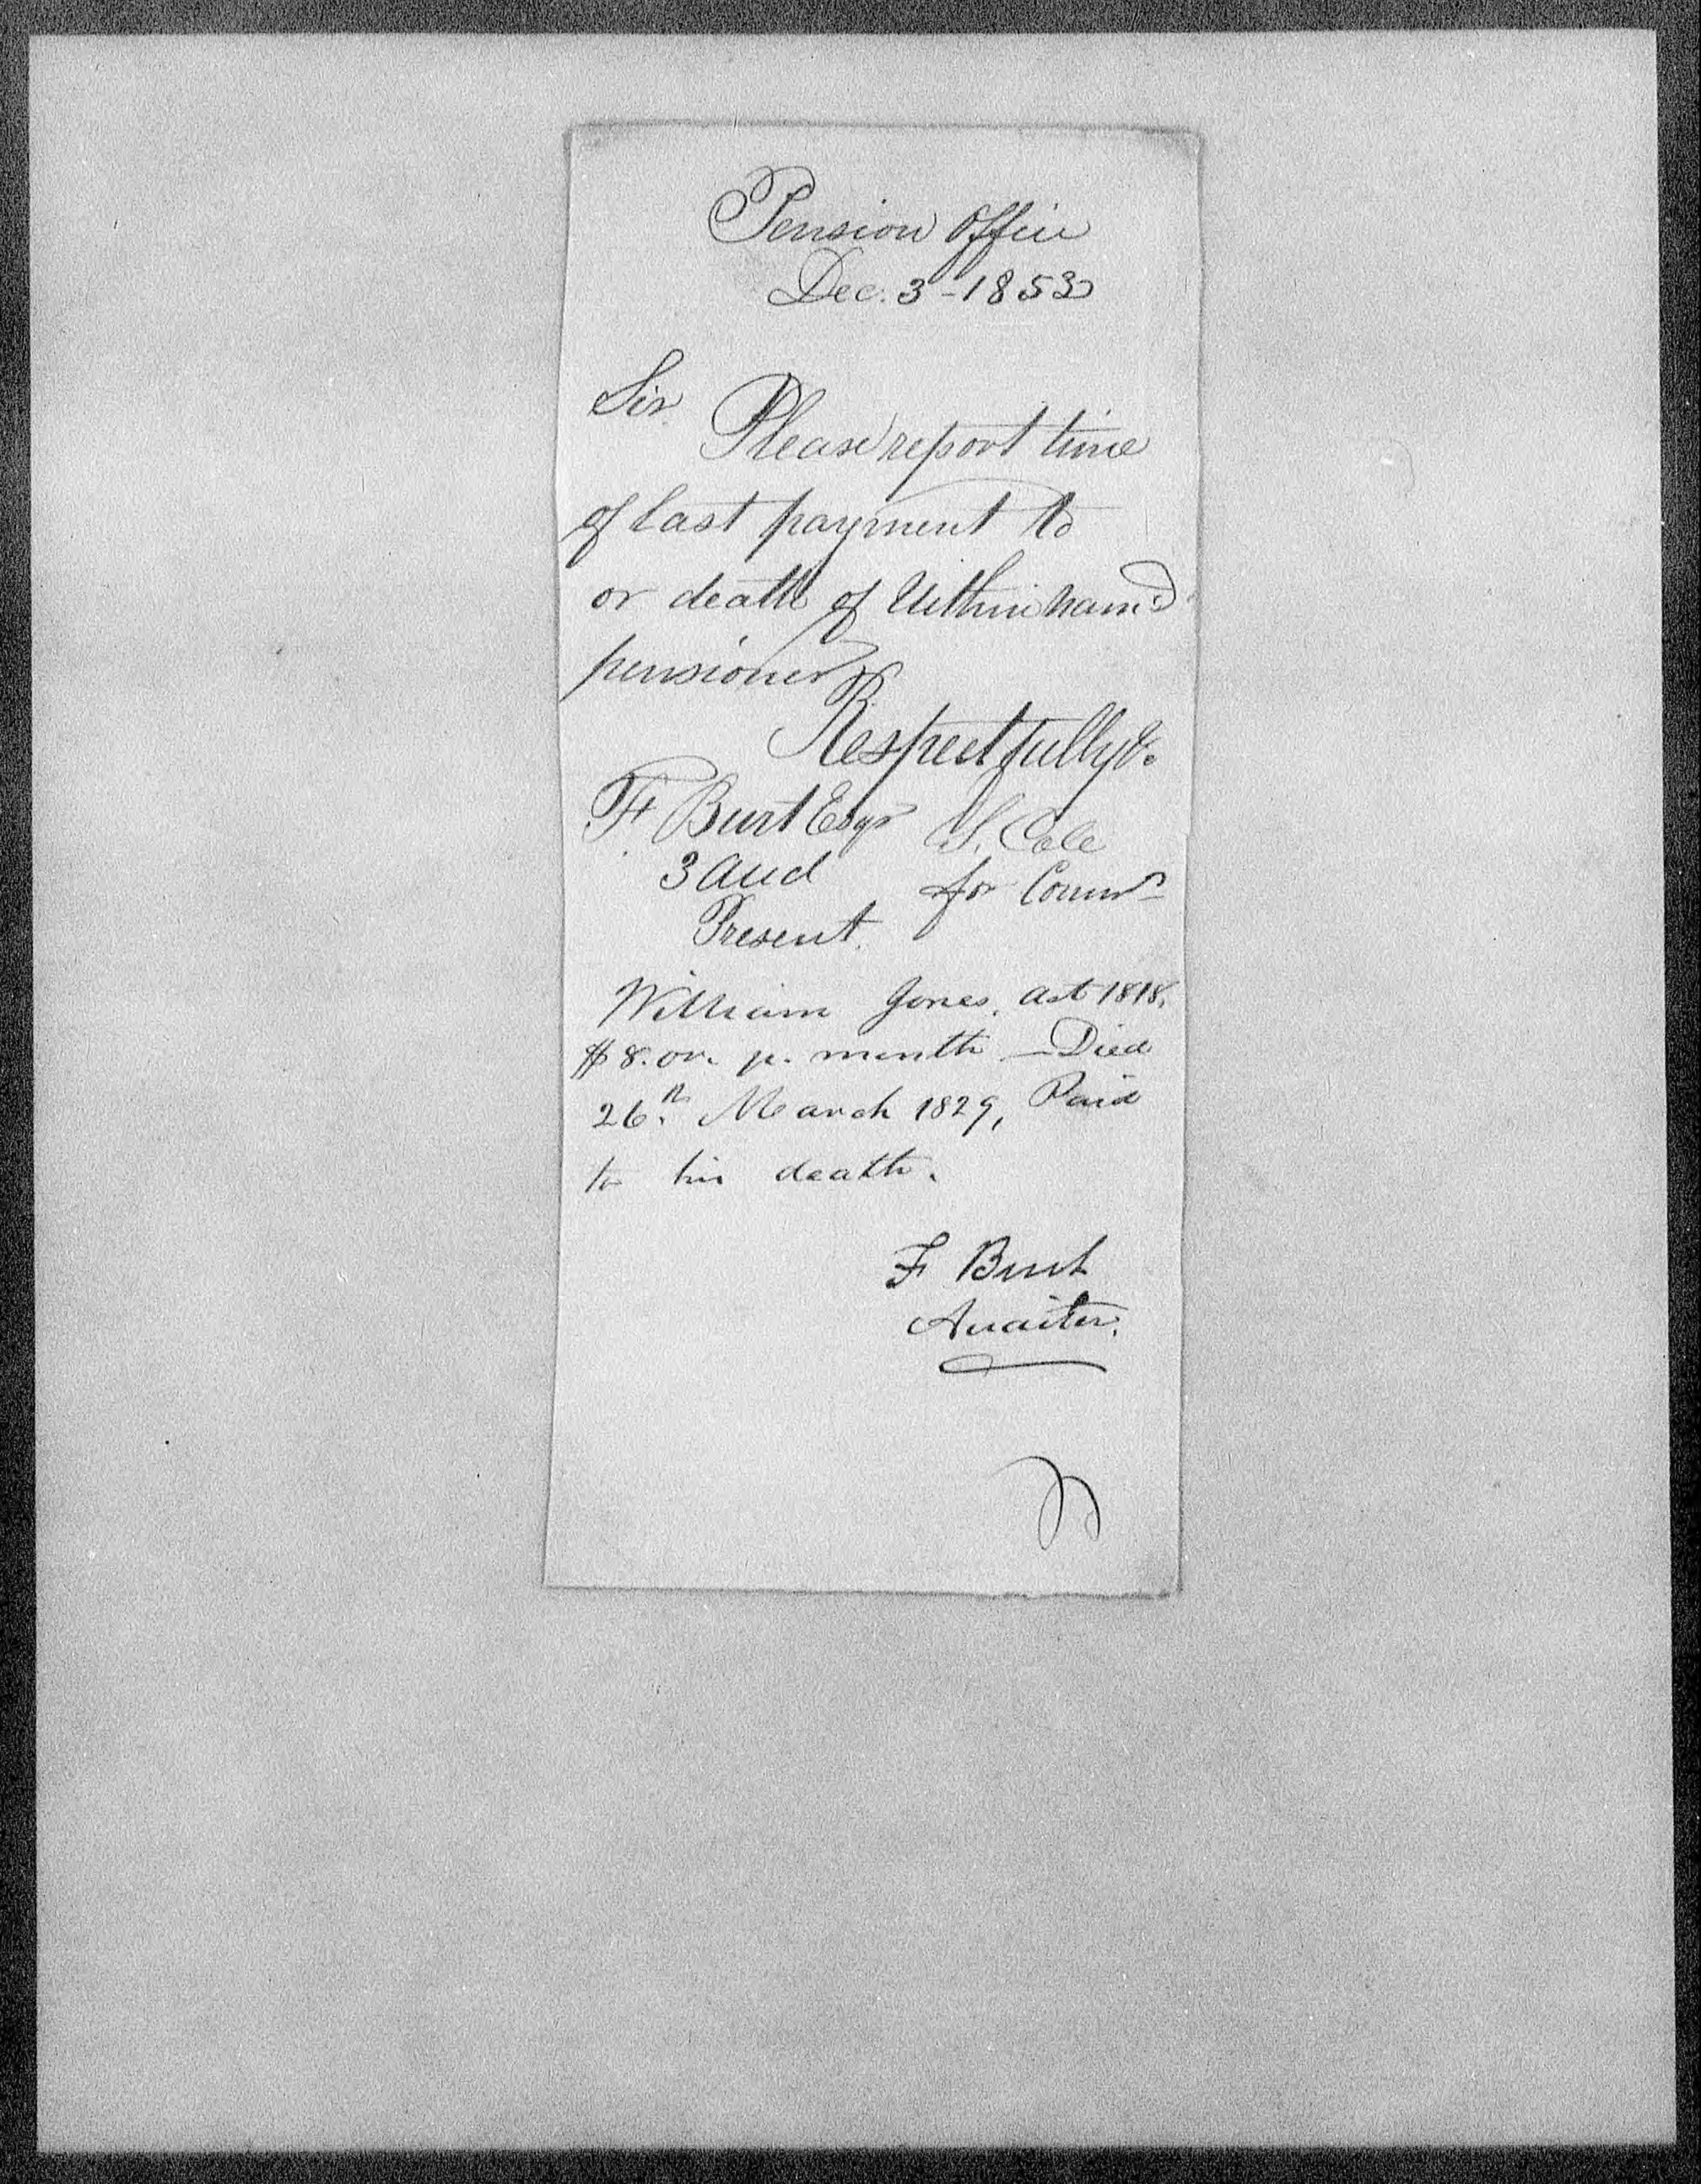Pension office
Dec. 3 - 1853

Sir,
Please report time of last payment to or death of within names pensioner
Respectfully, 
F. Burt Esq   S. Cole
3 aud Present  for Comm.n

William Jones, Act 1818
$8.00 p. month  Died 26th March 1829, Paid to his death.

F Burt
Auditor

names: F Burt; S Cole; William Jones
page: 31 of 39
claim: widow's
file: W 6292, for William Jones, Maryland